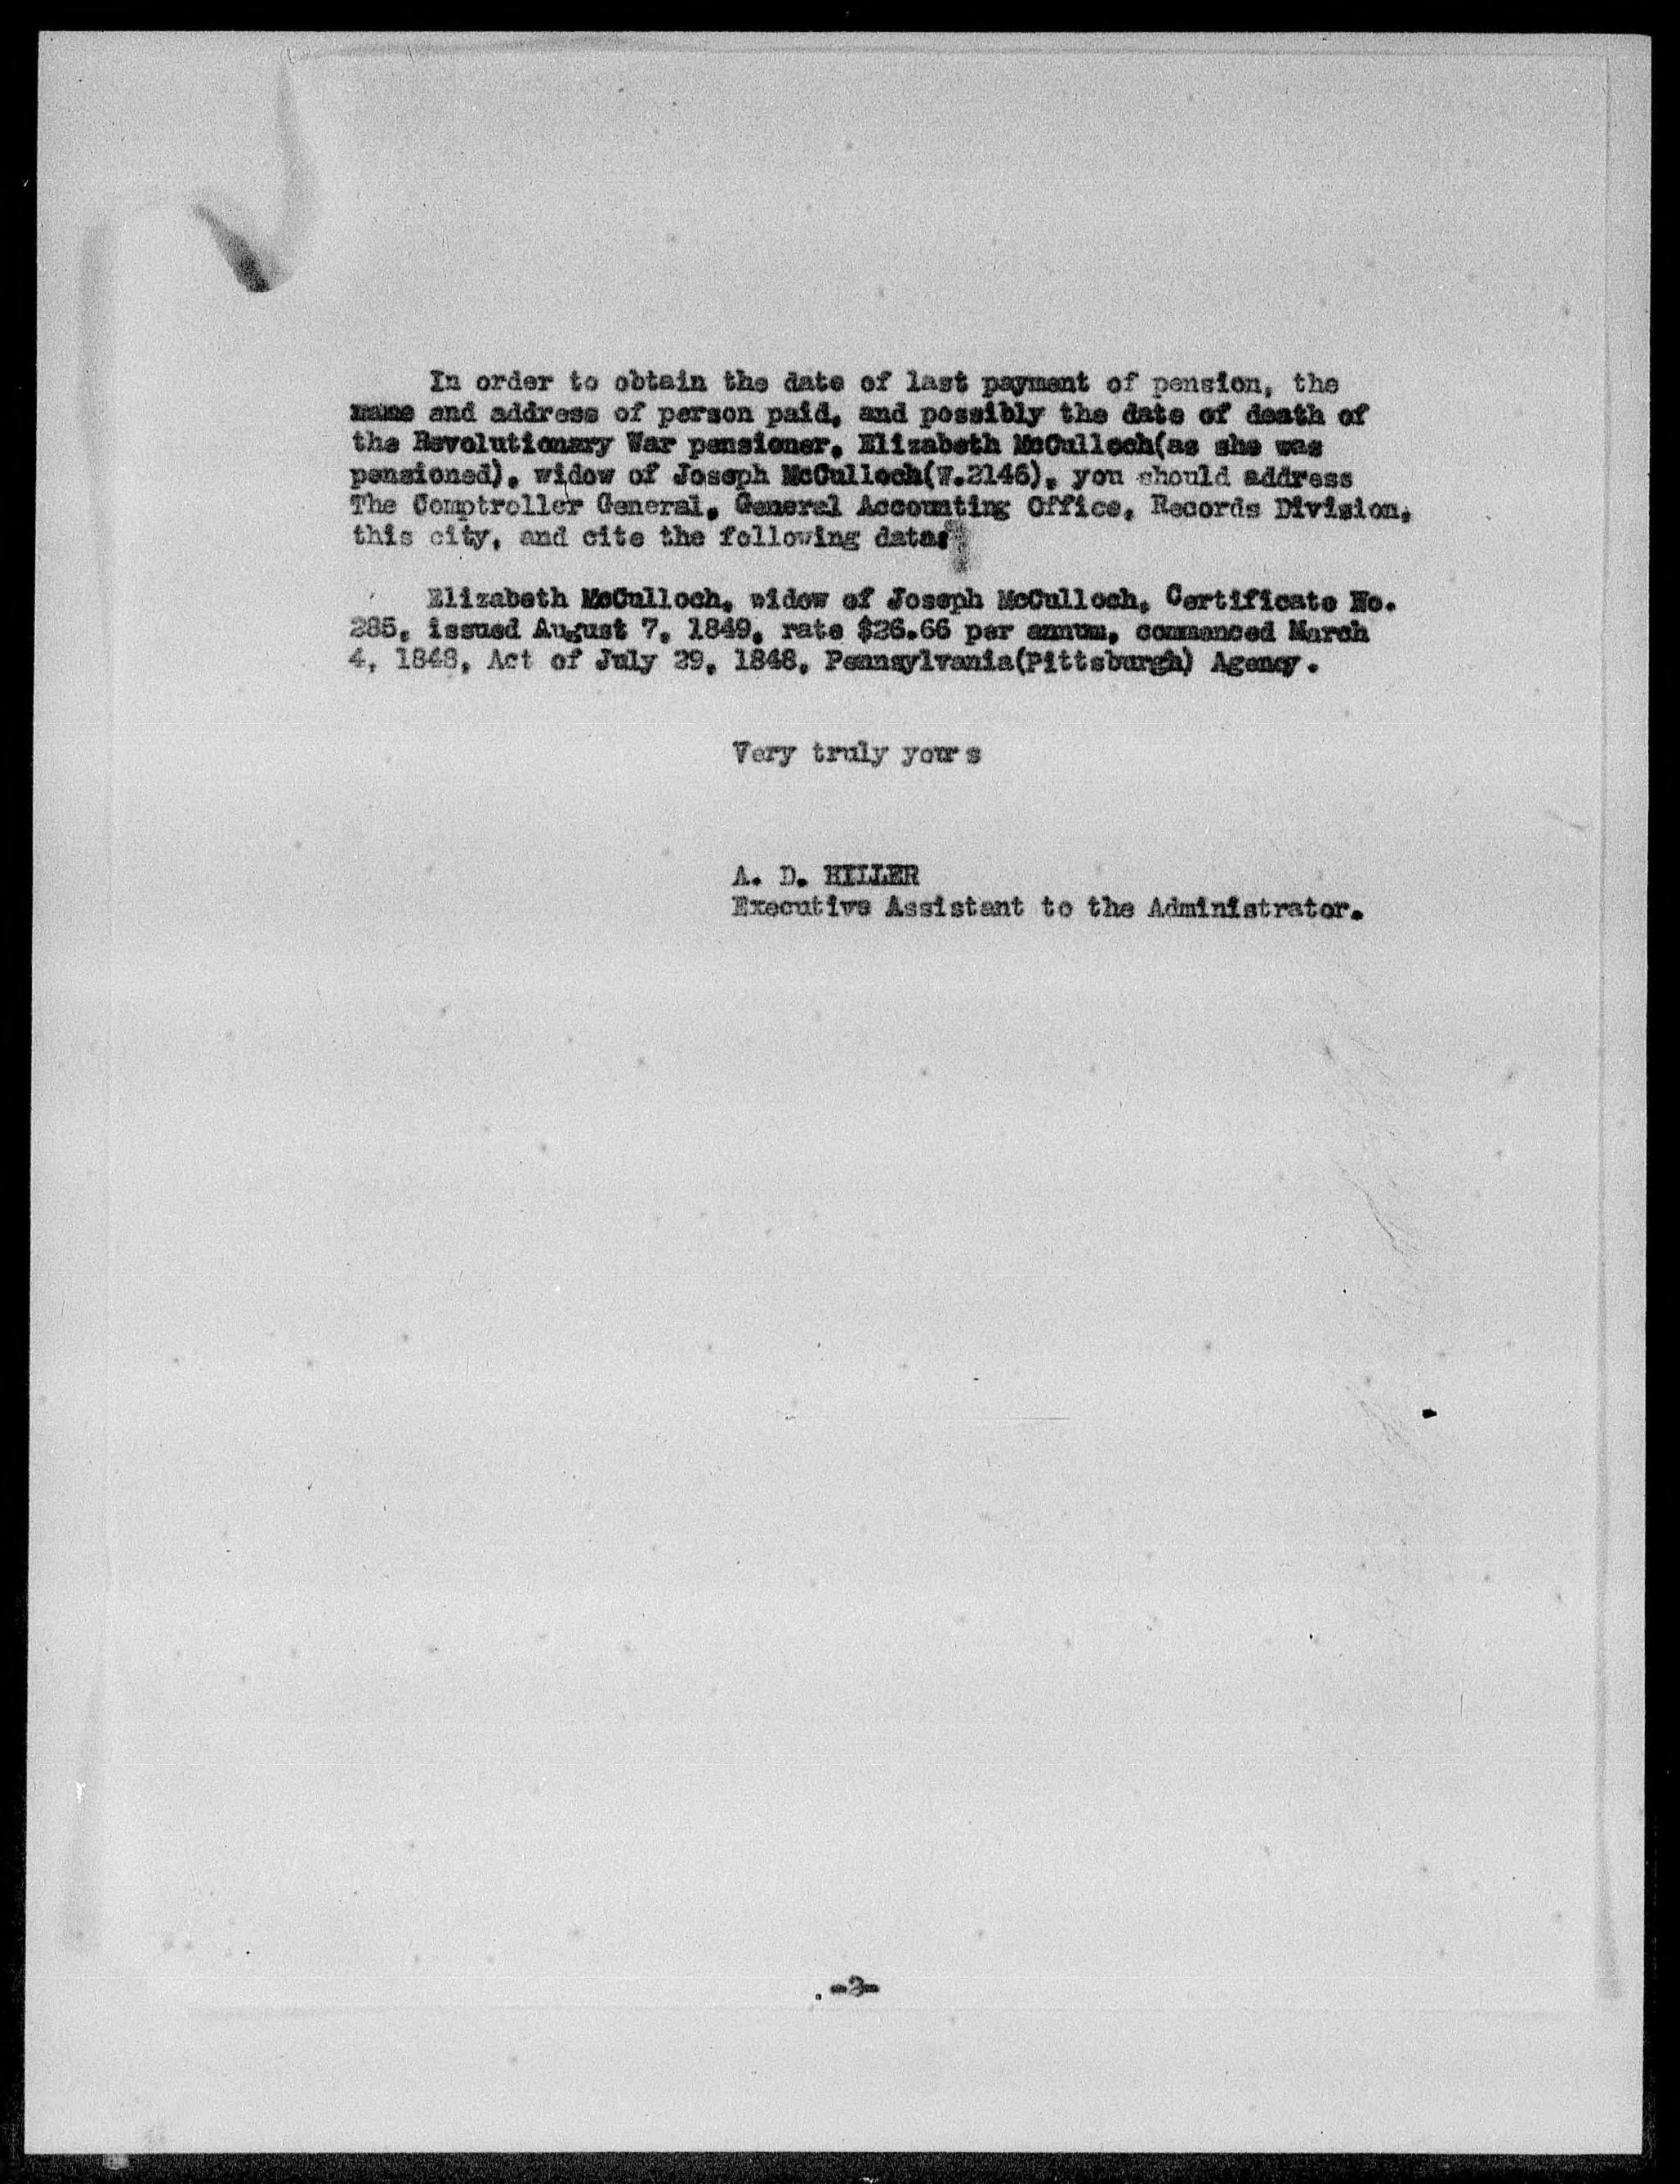In order to obtain the date of last payment of pension, the name and address of person paid, and possibly the date of death of the Revolutionary War pensioner, Elizabeth McCullech (as she was pensioned), widow of Joseph McCulluch (W.2145), you should address The Comptroller General, General Accounting Office, Records Division, this city, and cite the following dates.

Elizabeth McCulloch, widow of Joseph McCulloch, Certificate No. 285, issued August 7, 1849, rate $26.66 per annum, commenced March 4, 1848, Act of July 29, 1848, Pennsylvania (Pittsburgh) Agency.

Very truly yours

-2-

A. D. HILLER
Executive Assistant to the Administrator.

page: 17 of 30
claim: widow's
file: W. 2146, for Joseph Mc Collock, Pennsylvania